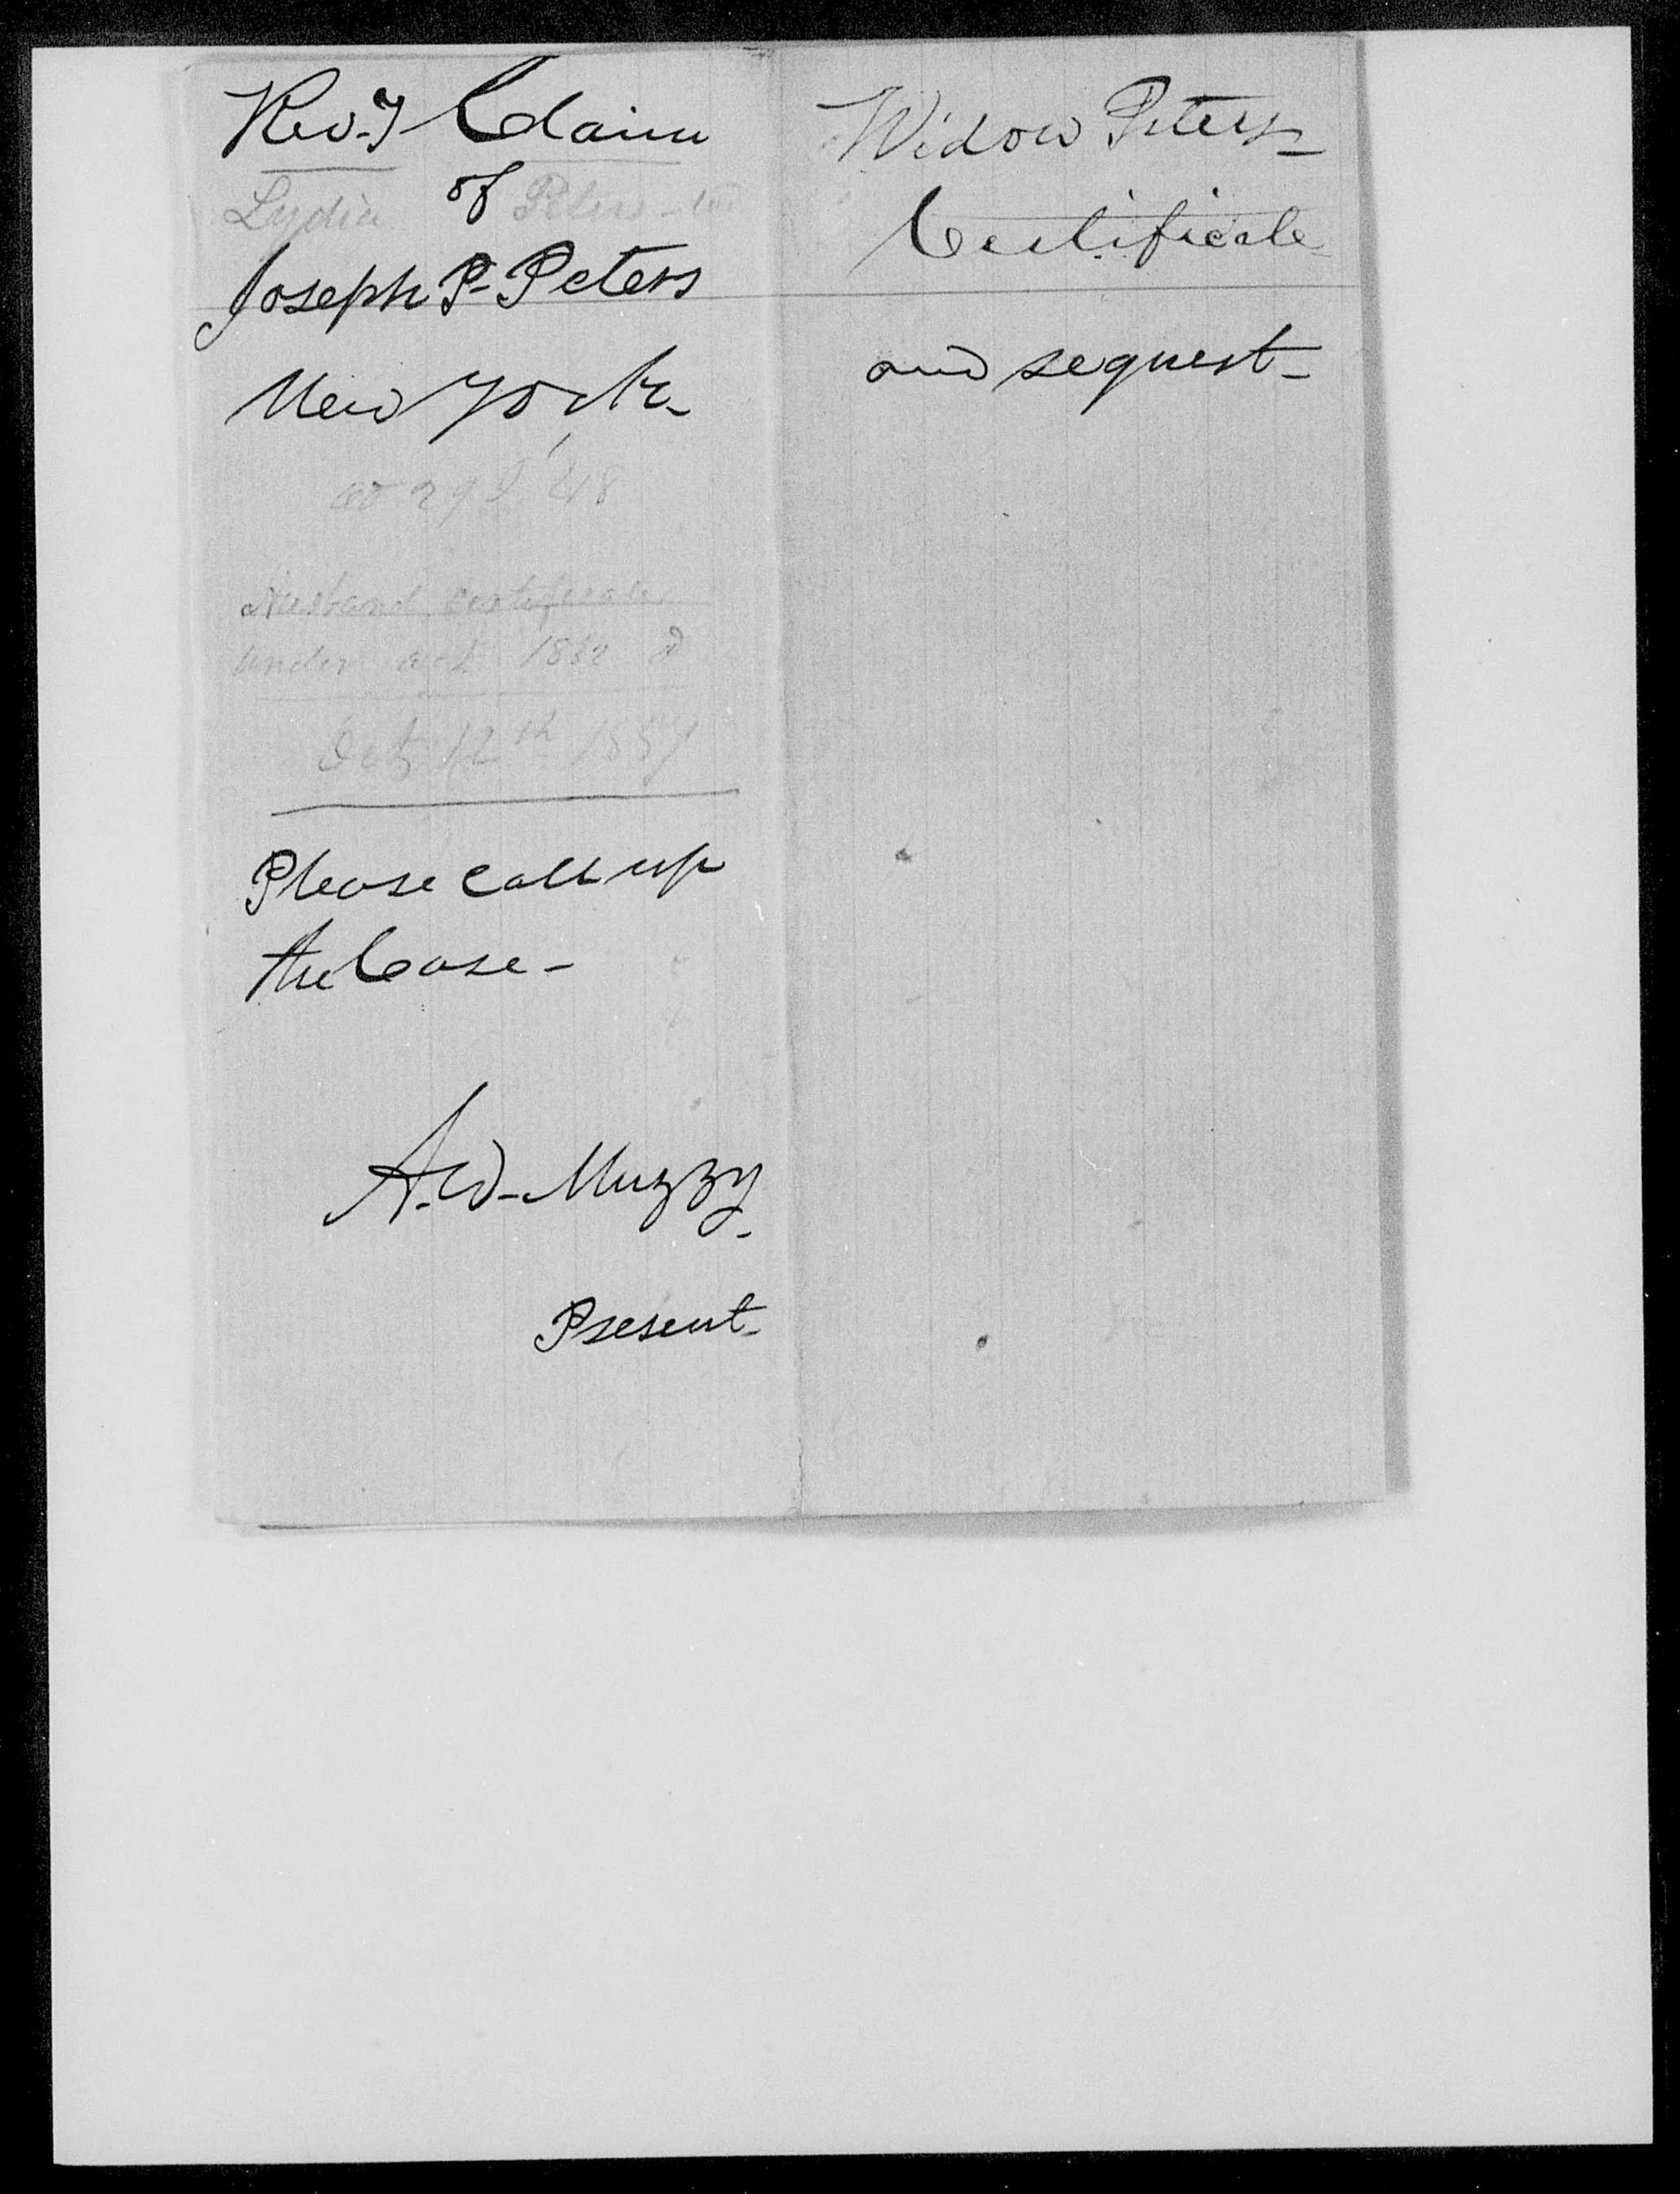Rev Claim –
of  Lydia  Peters 
Joseph P Peters 
New York 
Ad 29 j 48 
Husband certificate under act 1832 
Oct 12th 1854 
Please call up the case- 
A W. Muzzy Present. 
Widow Peters Certificate and request-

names: Joseph P Peters; A W Muzzy; Lydia Peters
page: 48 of 73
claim: widow's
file: W. 2338, for Joseph P Peters, Connecticut